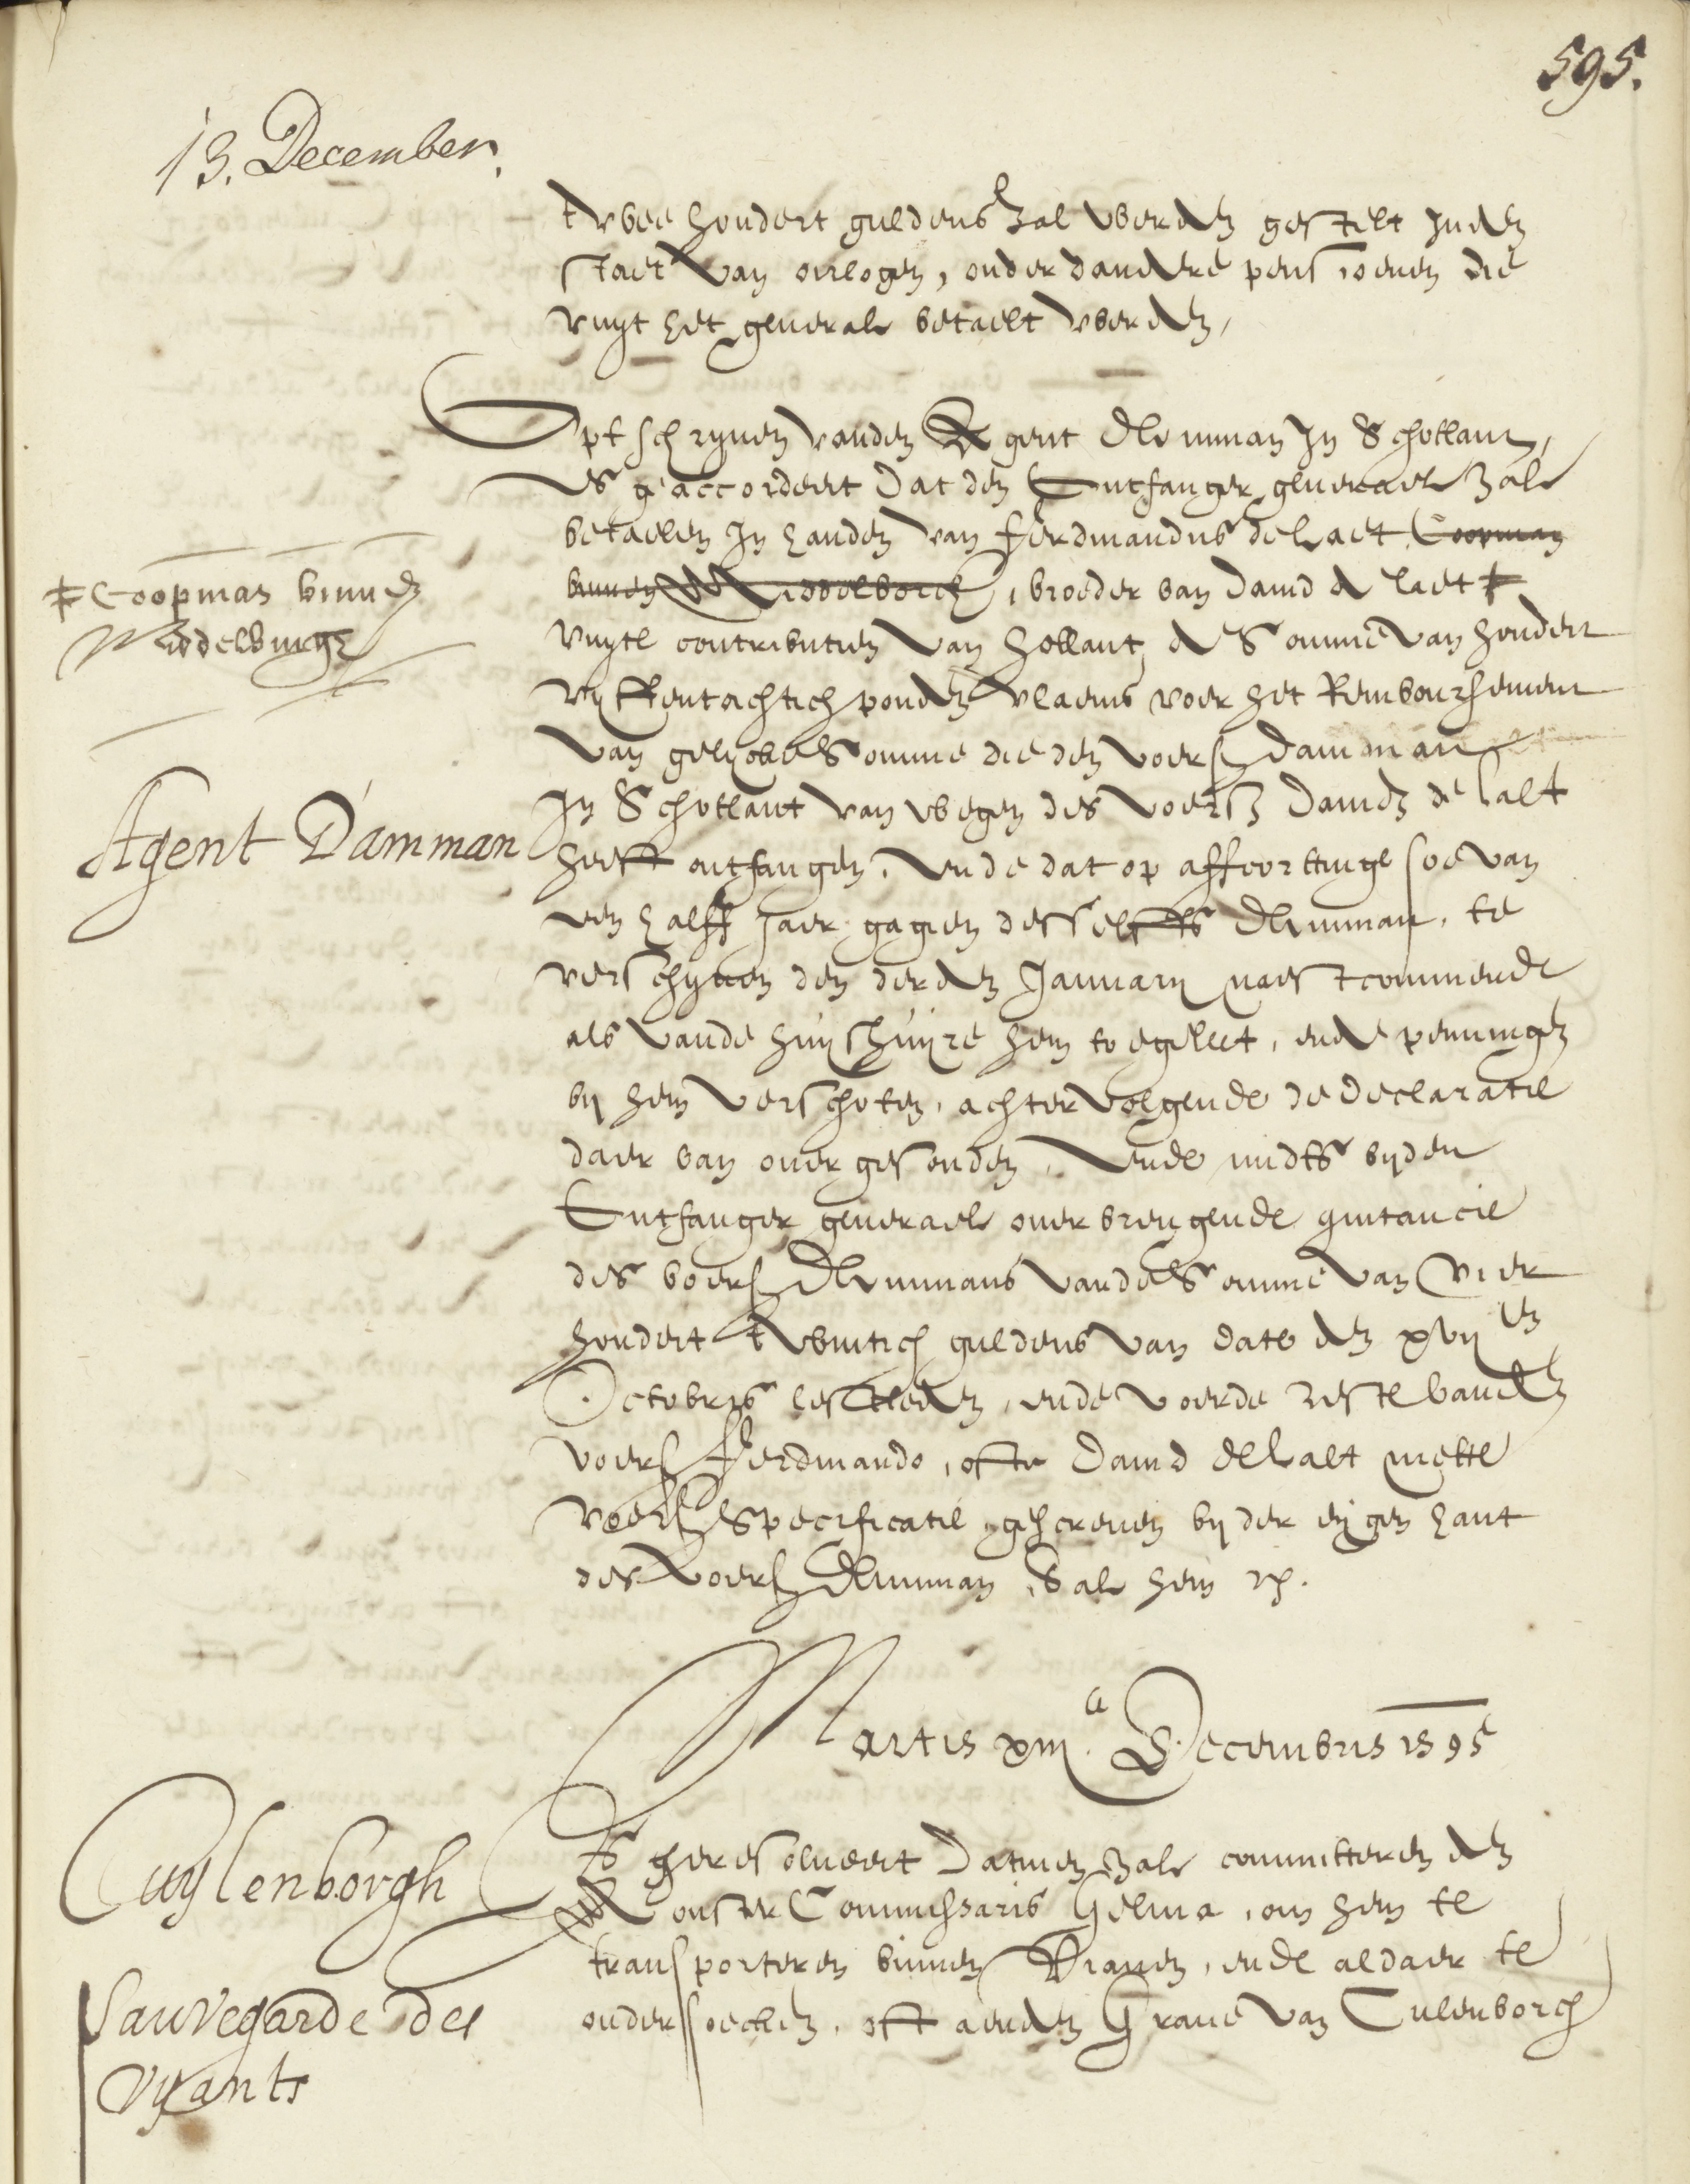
595.
13. December.
twee hondert guldens zal werden gestelt Inden
staet van oirlogen, onder dandere pensioenen die
vuyt het generale betaelt werden.
ǂ Coopman binnen.
Middelburgh
Agent Damman
Opt schryuen vanden Agent Damman In Schotlant,
es geaccordeert dat den Ontfanger generael zal
betaelen In handen van Ferdinandus de laet Coopman
binnen Middelborch, broeder van dauid d laet ǂ
vuyte contributien van Hollant de somme van hondert
vijffentachtich ponden vlaems voer het Remboursement
van gelycke Somme die den voerss Damman
In Schotlant van wegen des voers Dauid de Laet
heeft ontfangen, ende dat op affcorttinge soe van
een halff Jaer gagien desselffs Damman, te
verschynen den derden January naestcommende
als vande huyshuyre hem toegeleet, ende penningen
by hem verschoten, achtervolgende de declaratie
daer van ouergesonden, ende midts byden
Ontfanger generael ouerbrengende quitancie
des voers Dammans vande Somme van vier
hondert twintich guldens van date den xvijen
Octobris lesttleden, ende voerde reste vanden
voers Ferdinando, ofte dauid de laet mette
voers specificatie, gescreuen by der eygen hant
des voers Damman, Sal hem rs.
Martis xiii.a Decembris 1335
Cuylenborgh
Sauvegarde des
Vyants
Is geresolueert datmen zal committeren den
Monster Commissaris Gelma, om hem te
transporteren binnen Vianen, ende aldaer te
ondersoecken, off aenden Graue van Culenborch
